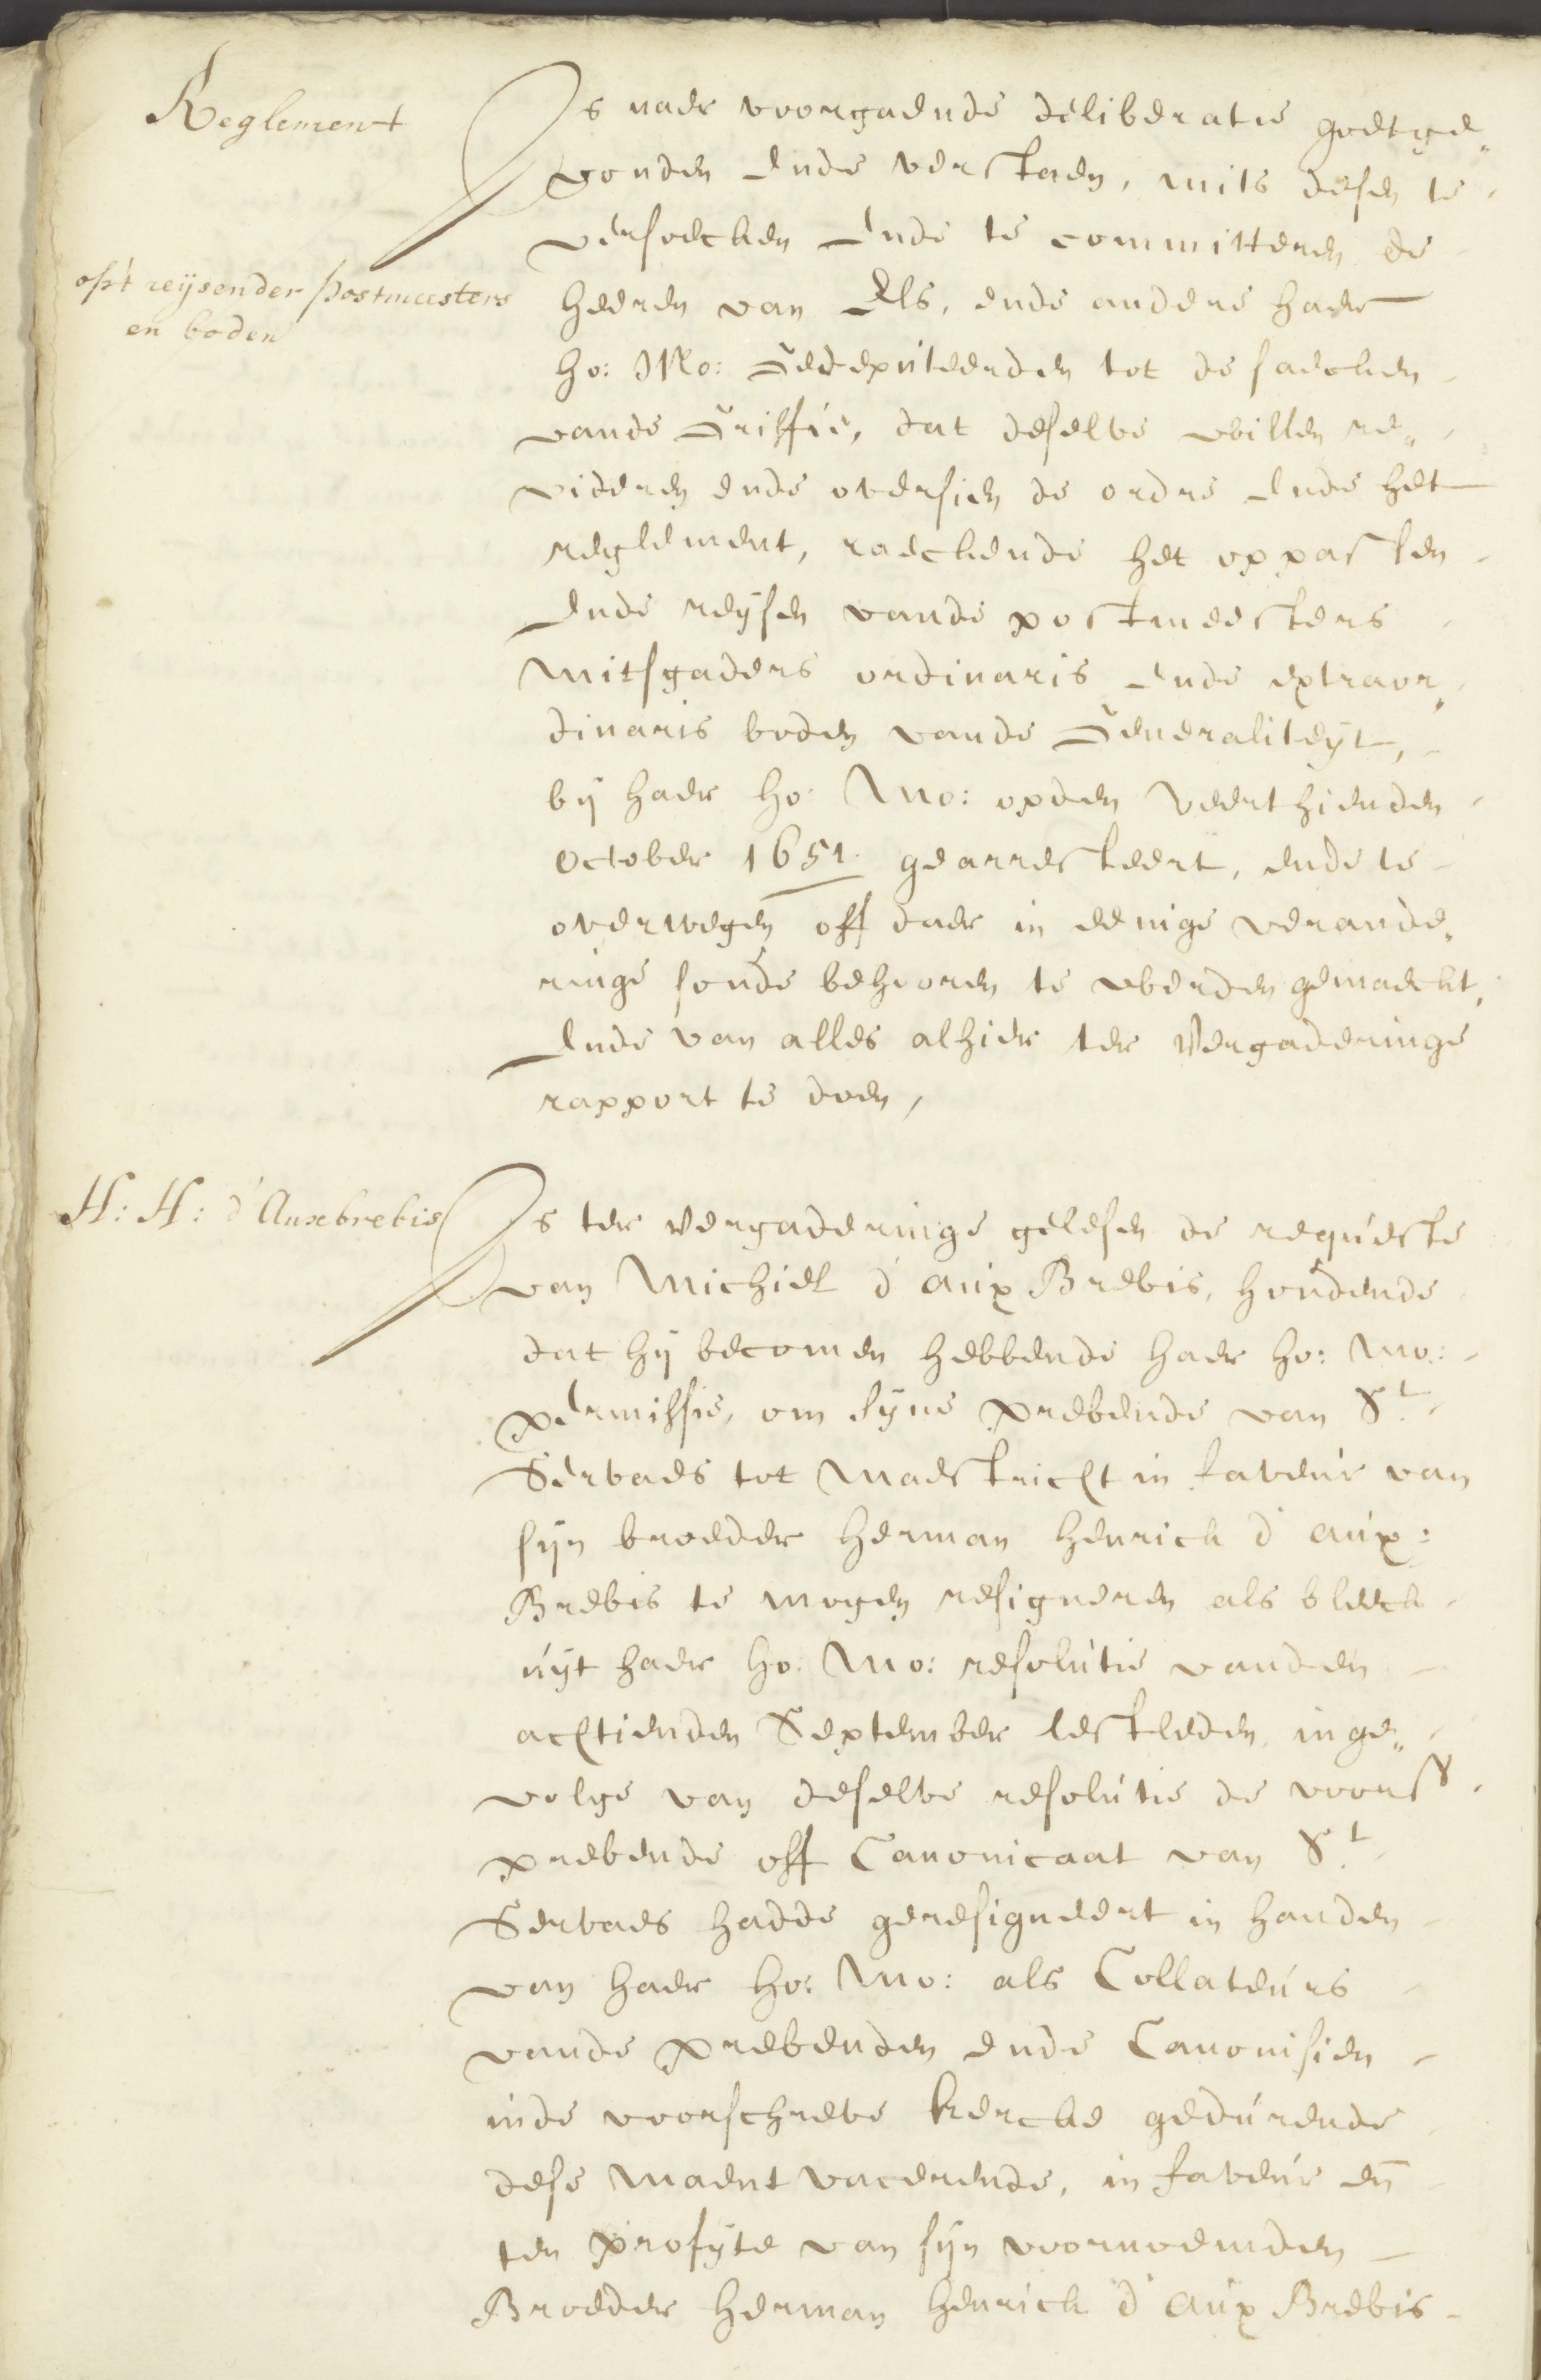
Reglement
op't reijsen der Postmeesters
en boden
Is naer voorgaende deliberatie goetge„
vonden ende verstaen, mits desen te
versoecken ende te committeren de
heeren van Els, ende andere haer
ho:Mo: Gedeputeerden tot de saecken
vande Griffie, dat deselve willen re,,
videren ende oversien de ordre ende het
reglement, raeckende het oppassen
ende reijsen vande postmeesters
mitsgaders ordinaris ende extraor„
dinaris boden vande Generaliteijt,
bij haer ho:Mo: opden veerthienden
october 1651. gearresteert, ende te
overwegen off daer in eenige verande„
ringe soude behooren te werden gemaeckt,
ende van alles alhier ter Vergaderinge
rapport te doen.
H:H: d'Auxbrebis
Is ter vergaderinge gelesen de requeste
van Michiel d'aux Brebis, houdende
dat hij becomen hebbende haer ho:mo:
permissie, om sijne prebende van St.
Servaes tot Maestricht in faveur van
sijn broeder herman henrick d'aux:
Brebis te mogen resigneren als bleeck
uijt haer ho:Mo: resolutie vanden
achtienden September lestleden, inge„
volge van deselve resolutie de voorsz
prebende off Canonicaat van St.
Servaes hadde geresigneert in handen
van haer ho:Mo: als Collateurs
vande prebenden ende Canonisien
inde voorschreve kercke gedurende
dese maent vacerende, in faveur en
ten profijte van sijn voornoemden
Broeder herman henrick d'aux Brebis
